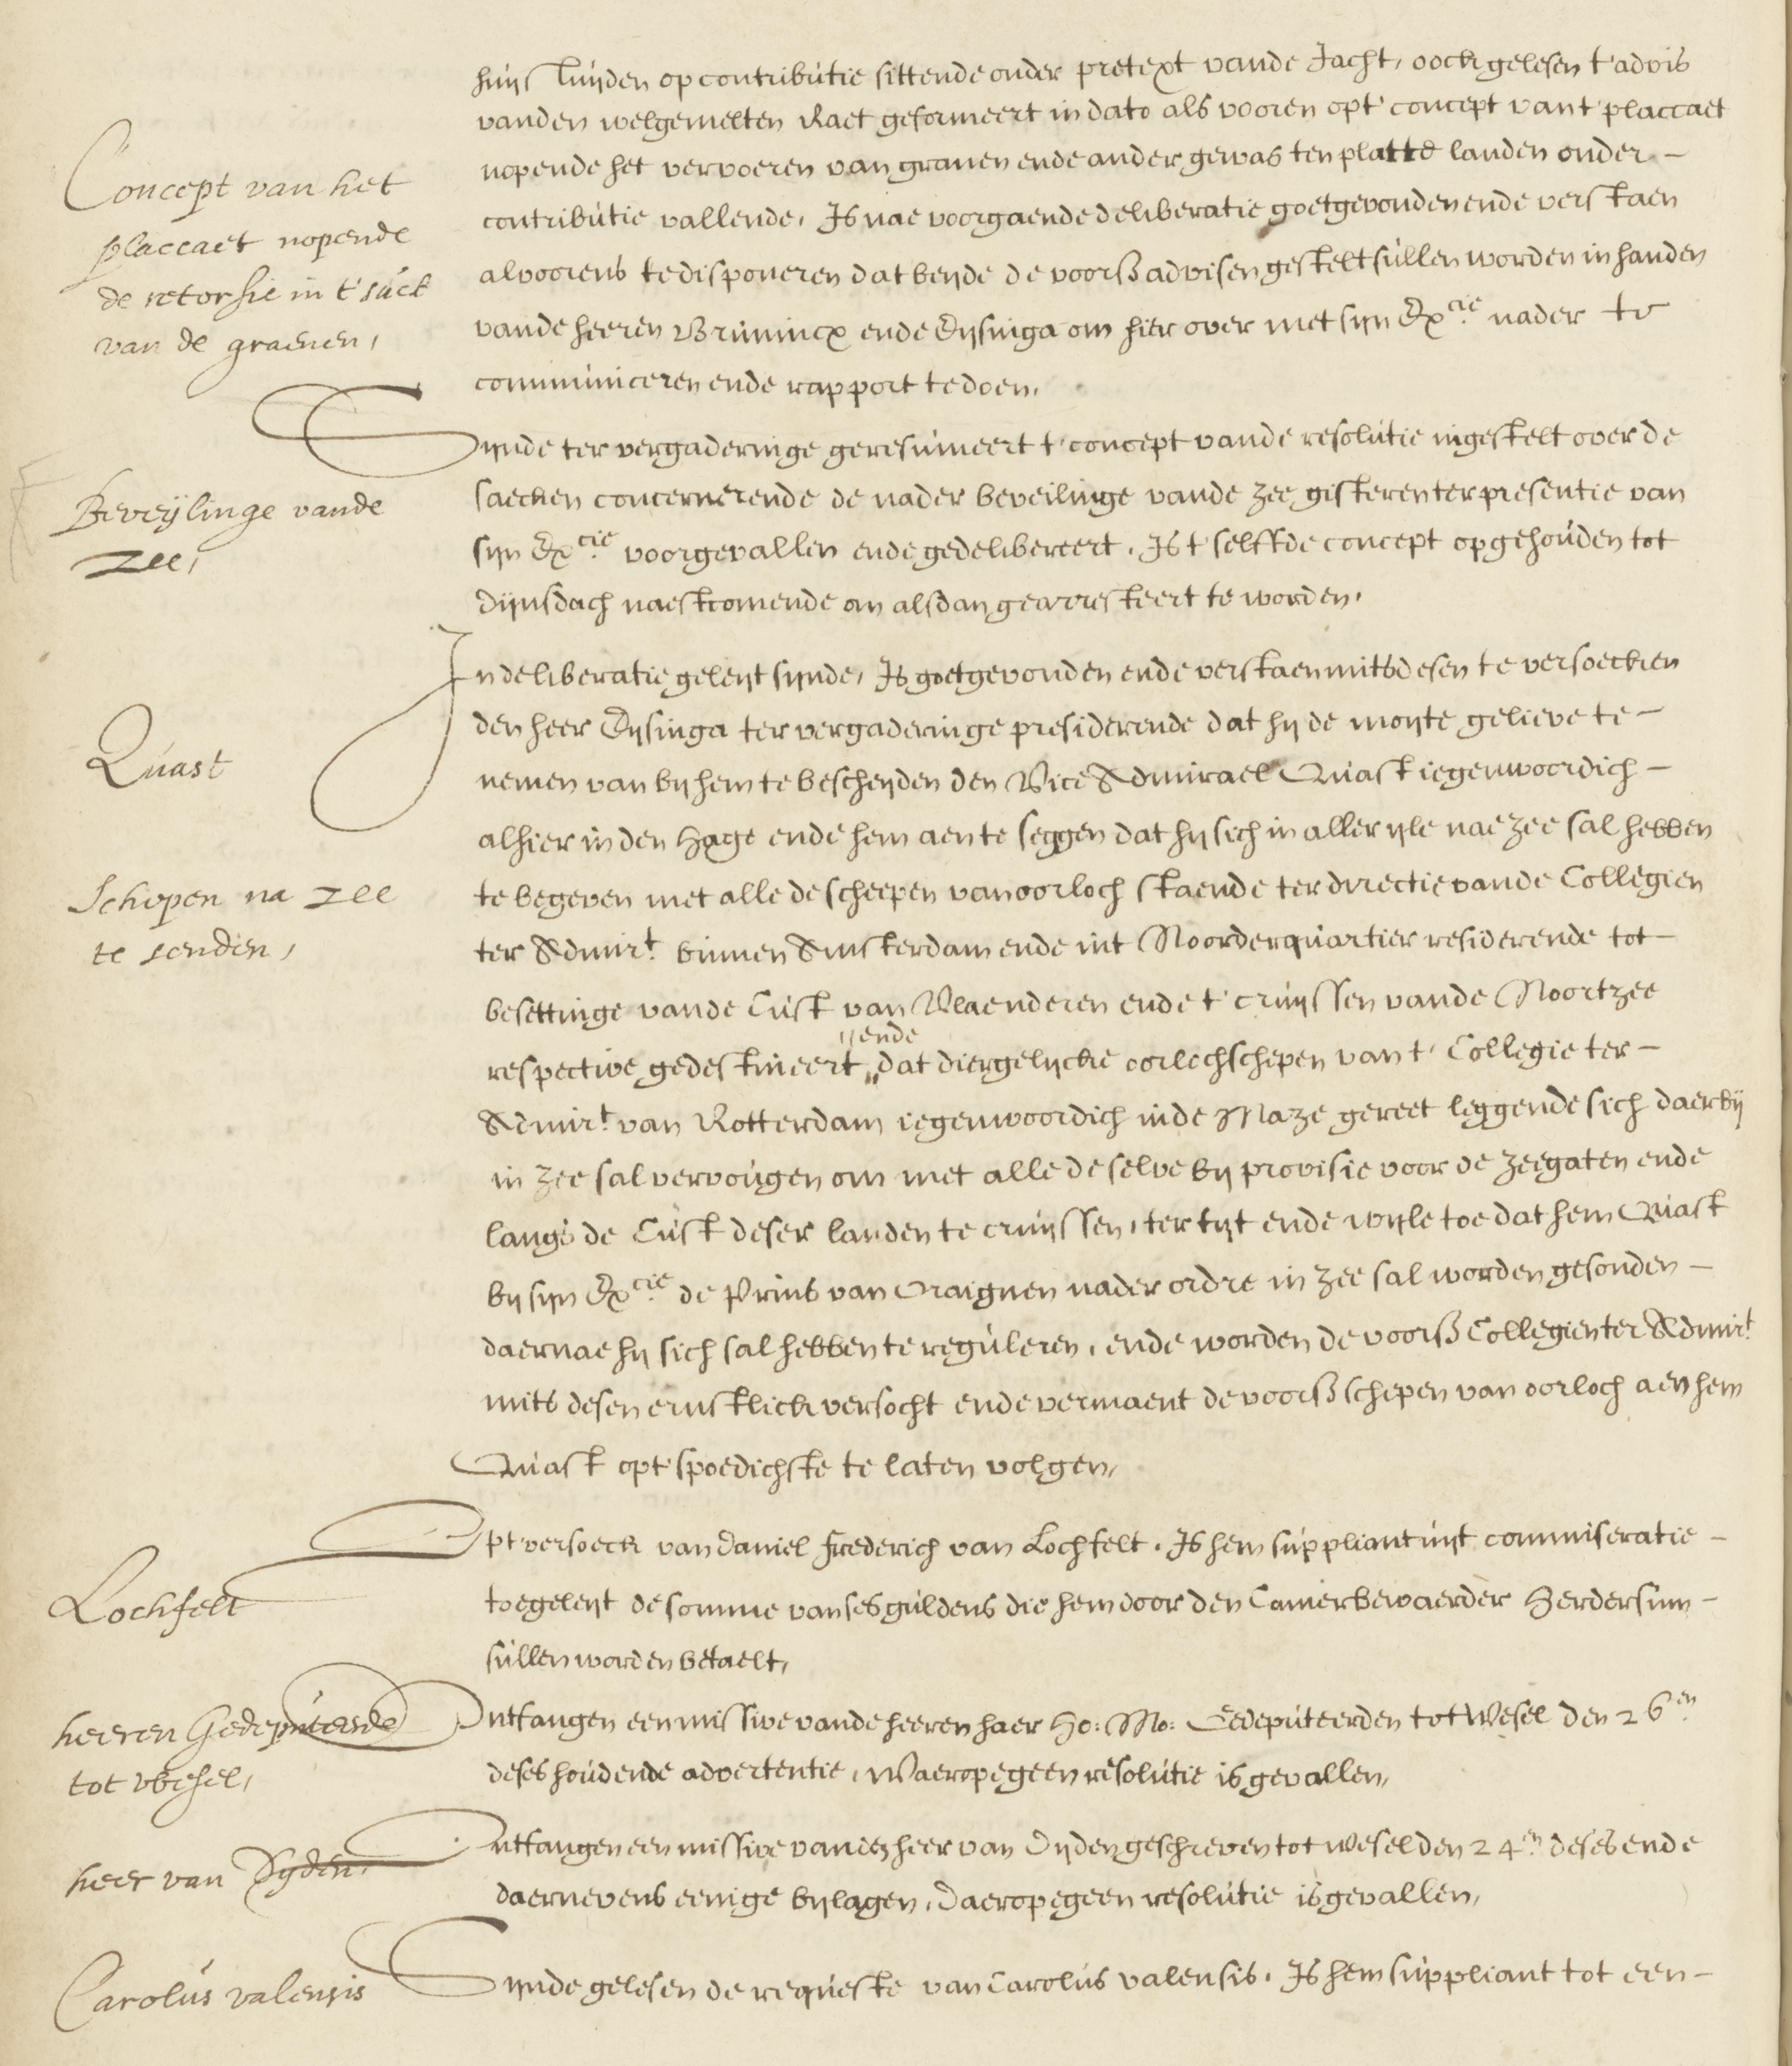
Concept van het
placcaet nopende
de retorsie in t'suck
van de graenen.
huysluyden op contributie sittende onder pretext vande Jacht, oock gelesen t' advis
vanden welgemelten Raet geformeert in dato als vooren opt' concept vant' placcaet
nopende het vervoeren van granen ende ander gewas ten platte landen onder
contributie vallende. Is nae voorgaende deliberatie goetgevonden ende verstaen
alvoorens te disponeren dat beyde de voors advisen gestelt sullen worden in handen
vande heeren Brunincx ende Eysinga om hier over met syn Excie. nader te
communiceren ende rapport te doen.
Beveijlinge vande
Zee.
Synde ter vergaderinge geresumeert t'concept vande resolutie ingestelt over de
saecken concernerende de nader beveilinge vande zee gisteren ter presentie van
syn Excie. voorgevallen ende gedelibereert. Is t' selffde concept opgehouden tot
Dijnsdach naestcomende om alsdan gearresteert te worden.
Quast
Schepen na zee
te senden.
In deliberatie geleyt synde, Is goetgevonden ende verstaen mitsdesen te versoecken
den heer Eysinga ter vergaderinge presiderende dat hy de moyte gelieve te
nemen van by hem te bescheyden den Vice Admirael Quast iegenwoordich
alhier in den hage ende hem aen te seggen dat hy sich in alleryle nae zee sal hebben
te begeven met alle de scheepen van oorloch staende ter directie vande Collegien
ter Admirt. binnen Amsterdam ende int Noorderquartier residerende tot
besettinge vande Cust van Vlaenderen ende t'cruyssen vande Noortzee
,, ende
respective gedestineert,, dat diergelycke oorlochschepen van t'Collegie ter-
Admirt. van Rotterdam iegenwoordich inde Maze gereet leggende sich daerbij
in zee sal vervougen om met alle deselve by provisie voor de zeegaten ende
langs de Cust deser landen te cruyssen, ter tyt ende wyle toe dat hem Quast
by syn Excie. de Prins van Oraignen nader ordre in zee sal worden gesonden
daernae hy sich sal hebben te reguleren, ende worden de voors Collegien ter Admirt
mits desen ernstlick versocht ende vermaent de voors schepen van oorloch aen hem
Quast opt' spoedichste te laten volgen.
Lochfelt
Opt versoeck van Daniel frederich van Lochfelt. Is hem suppliant uyt commiseratie
toegeleyt de somme van ses guldens die hem door den Camerbewaerder Herdersum
sullen worden betaelt,
heeren Gedeputeerde
tot wesel.
Ontfangen een missive vande heeren haer Ho:Mo: Gedeputeerden tot Wesel den 26en.
deses houdende advertentie. Waerop egeen resolutie is gevallen.
heer van Dyden
Ontfangen een missive vanden heer van Dyden geschreven tot Wesel den 24en deses ende
daernevens eenige bylagen, daerop egeen resolutie is gevallen.
Carolus valensis
Synde gelesen de requeste van Carolus valensis. Is hem suppliant tot een -
